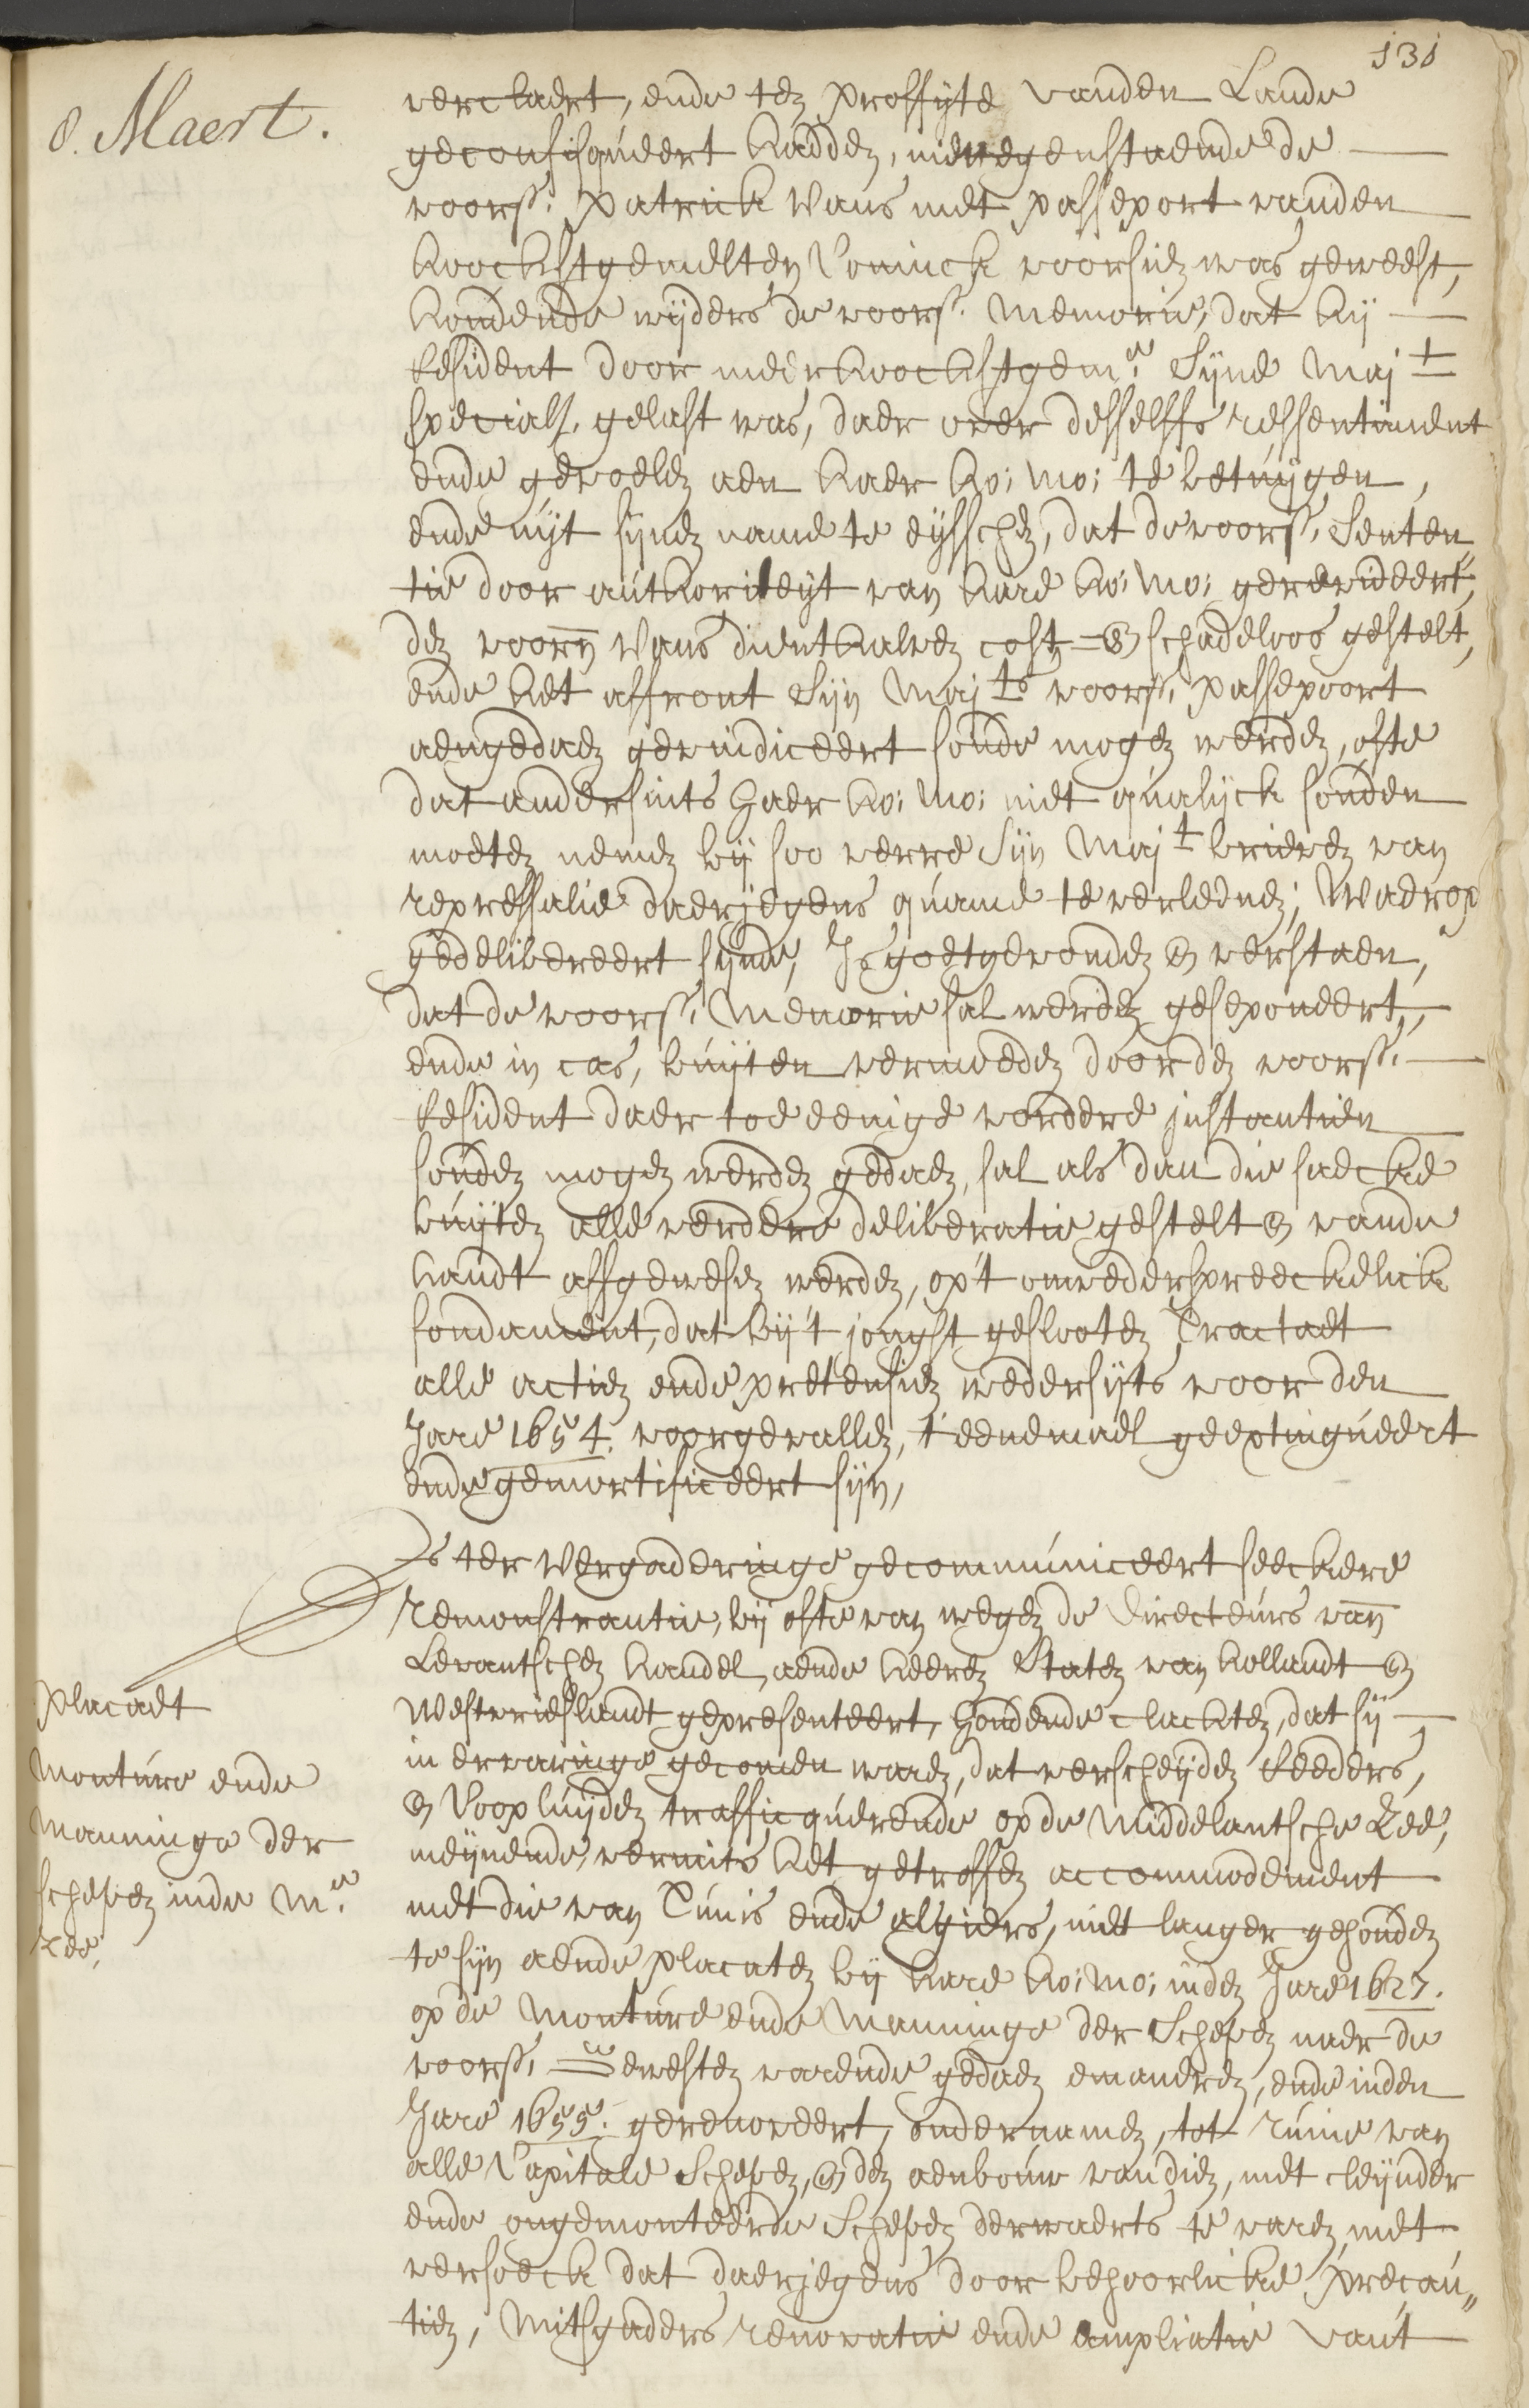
136
8. Maert
verclaert, ende ten proffijte vanden Lande
geconfisqueert hadden, niettegenstaende de
voors. Patrick Vans met passeport vanden
hoochstgemelten Coninck voorsien was geweest,
houdende wijders de voors. memorie, dat hij
resident door meerhoochstgem.e Sijne Majt
special gelast was, daer over desselffs ressentiment
ende gevoelen aen haer Ho:Mo: te betuijgen,
ende uijt sijnen name te eijsschen, dat de voors. senten„
tie door authoriteijt van hare Ho:Mo: gerevideert,
den voorn Vans dienthalven cost=& schadeloos gestelt,
ende het affront Sijn Majts voors. passepoort
aengedaen gevindiceert soude mogen werden, ofte
dat andersints haer Ho:Mo: niet qualijck souden
moeten nemen bij soo verre Sijn Majt brieven van
repressalie daerjegens quame te verleenen; Waerop
gedelibereert sijnde, Is goetgevonden & verstaen,
dat de voors. memorie sal worden geseponeert,
ende in cas, buijten vermoeden door den voors.
resident daer toe eenige vordere instantien
souden mogen werden gedaen, sal als dan die saecke
buijten alle verdere deliberatie gestelt & vande
handt affgewesen werden, op't onverbreeckelick
fondament, dat bij 't jongst geslooten Tractaet
alle actien ende pretensien wedersijts voor den
jaer 1654 voorgevallen, t'eenemael geextingueert
ende gemortificeert sijn.
Placaet
monture ende
manninge der
schepen inde Me
zee
Is ter vergaderinge gecommuniceert seeckere
remonstrantie, bij ofte van wegen de directeurs van
Levantschen handel, aende heeren Staten van hollandt ende
Westvrieslandt gepresenteert, houdende clachten, dat sij —
in ervaringe gecomen waren, dat verscheijden Reeders,
& Coopluijden trafficquerende op de Middelantsche Zee,
meijnende, vermits het getroffen accommodement
met die van Tunis ende algiers, niet langer gehouden
te sijn aende placaten bij hare Ho:Mo: inden jare 1627
op de monture ende manninge der schepen naer de
voors. Gewesten varende gedaen emaneren, ende inden
jaere 1655 gerenoveert, ondernamen, tot ruine van
alle Capitale schepen, & den aenbouw van dien, met cleijnder
ende ongemonteerde schepen derwaerts te varen, met
versoeck dat daerjegens door behoorlicke precau„
tien, mitsgaders renovatie ende ampliatie van't
